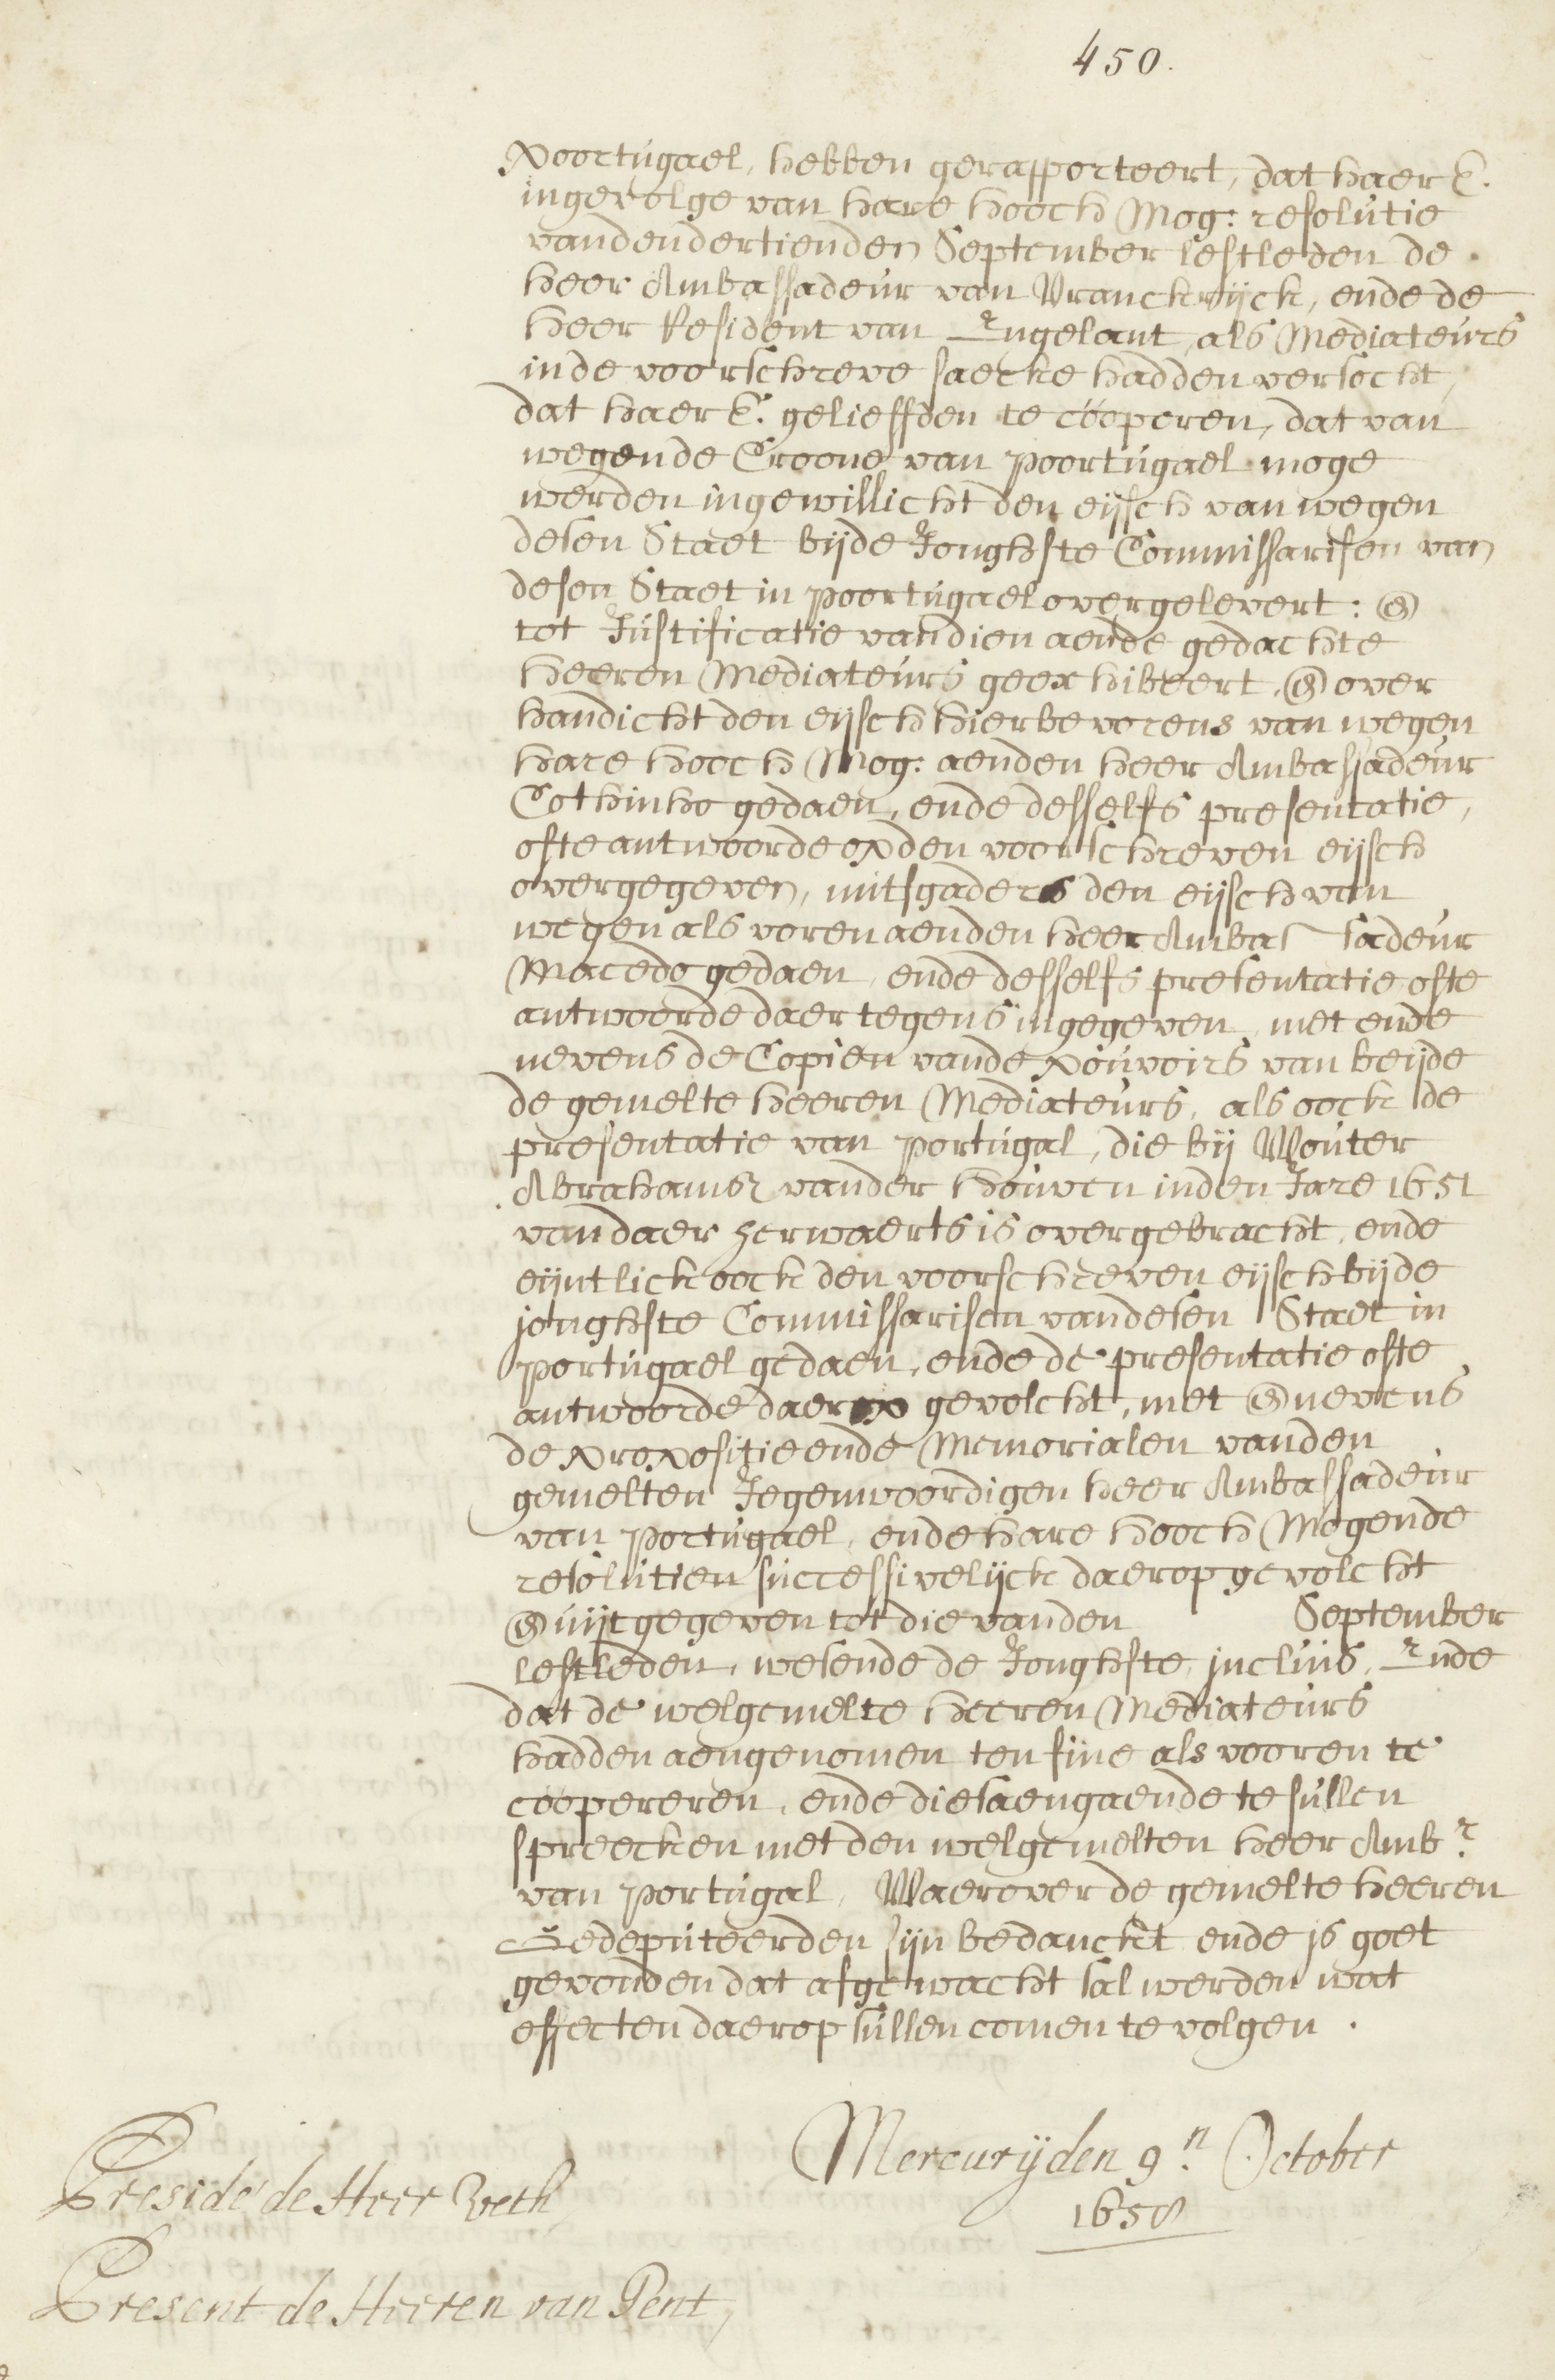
450.
Poortugael, hebben gerapporteert, dat haere E.
ingevolge van hare Hooch Mog: resolutie
vanden dertienden September lestleden de
heer Ambassadeur van Vranckrijck, ende de
heer Resident van Engelant, als Mediateurs
in de voorschreve saecke hadden versocht
dat haer E. gelieffden te cöoperen, dat van
wegen de Croone van poortugael moge
werden ingewillicht den eijsch van wegen
desen Staet bijde Jonghste Commissarisen van
desen Staet in poortugael overgelevert: &
tot Justificatie van dien aende gedachte
Heeren Mediateurs geexhibeert, & over
handicht den eijsch hierbevorens van wegen
hare Hooch Mog: aenden heer Ambassadeur
Cothinho gedaen, ende desselfs presentatie
ofte antwoorde opden voorschreven eijsch
overgegeven, mitsgaders den eijsch van
wegen als voren aenden heer Ambassadeur
Macedo gedaen, ende desselfs presentatie ofte
antwoorde daer tegens ingegeven, met ende
nevens de Copien vande pouvoirs van beijde
de gemelte heeren Mediateurs, als oock de
presentatie van portugal, die bij Wouter
Abrahamsz vander Houven inden Jare 1651
vandaer herwaerts is overgebracht, ende
eijntlick oock den voorschreven eijsch bijde
jonghste Commissarisen van desen Staet in
portugael gedaen, ende de presentatie ofte
antwoorde daerop gevolcht, met & nevens
de propositie ende Memorialen vanden
gemelten Jegenwoordigen heer Ambassadeur
van portugael, ende hare Hooch Mogende
resolutien successivelijck daerop gevolcht
& uijtgegeven tot die vanden .. September
lestleden, wesende de Jonghste, incluis. Ende
dat de welgemelte heeren Mediateurs
hadden aengenomen ten fine als vooren te
cöopereren, ende diesaengaende te sullen
spreecken met den welgemelten heer Ambr.
van portugal. Waerover de gemelte heeren
Gedeputeerden sijn bedanckt, ende is goet
gevonden dat afgewacht sal werden wat
effecten daerop sullen comen te volgen.
Mercurij den 9n. October
1658
Preside‛ de Heer Veth
Present de Heeren van Gent,
